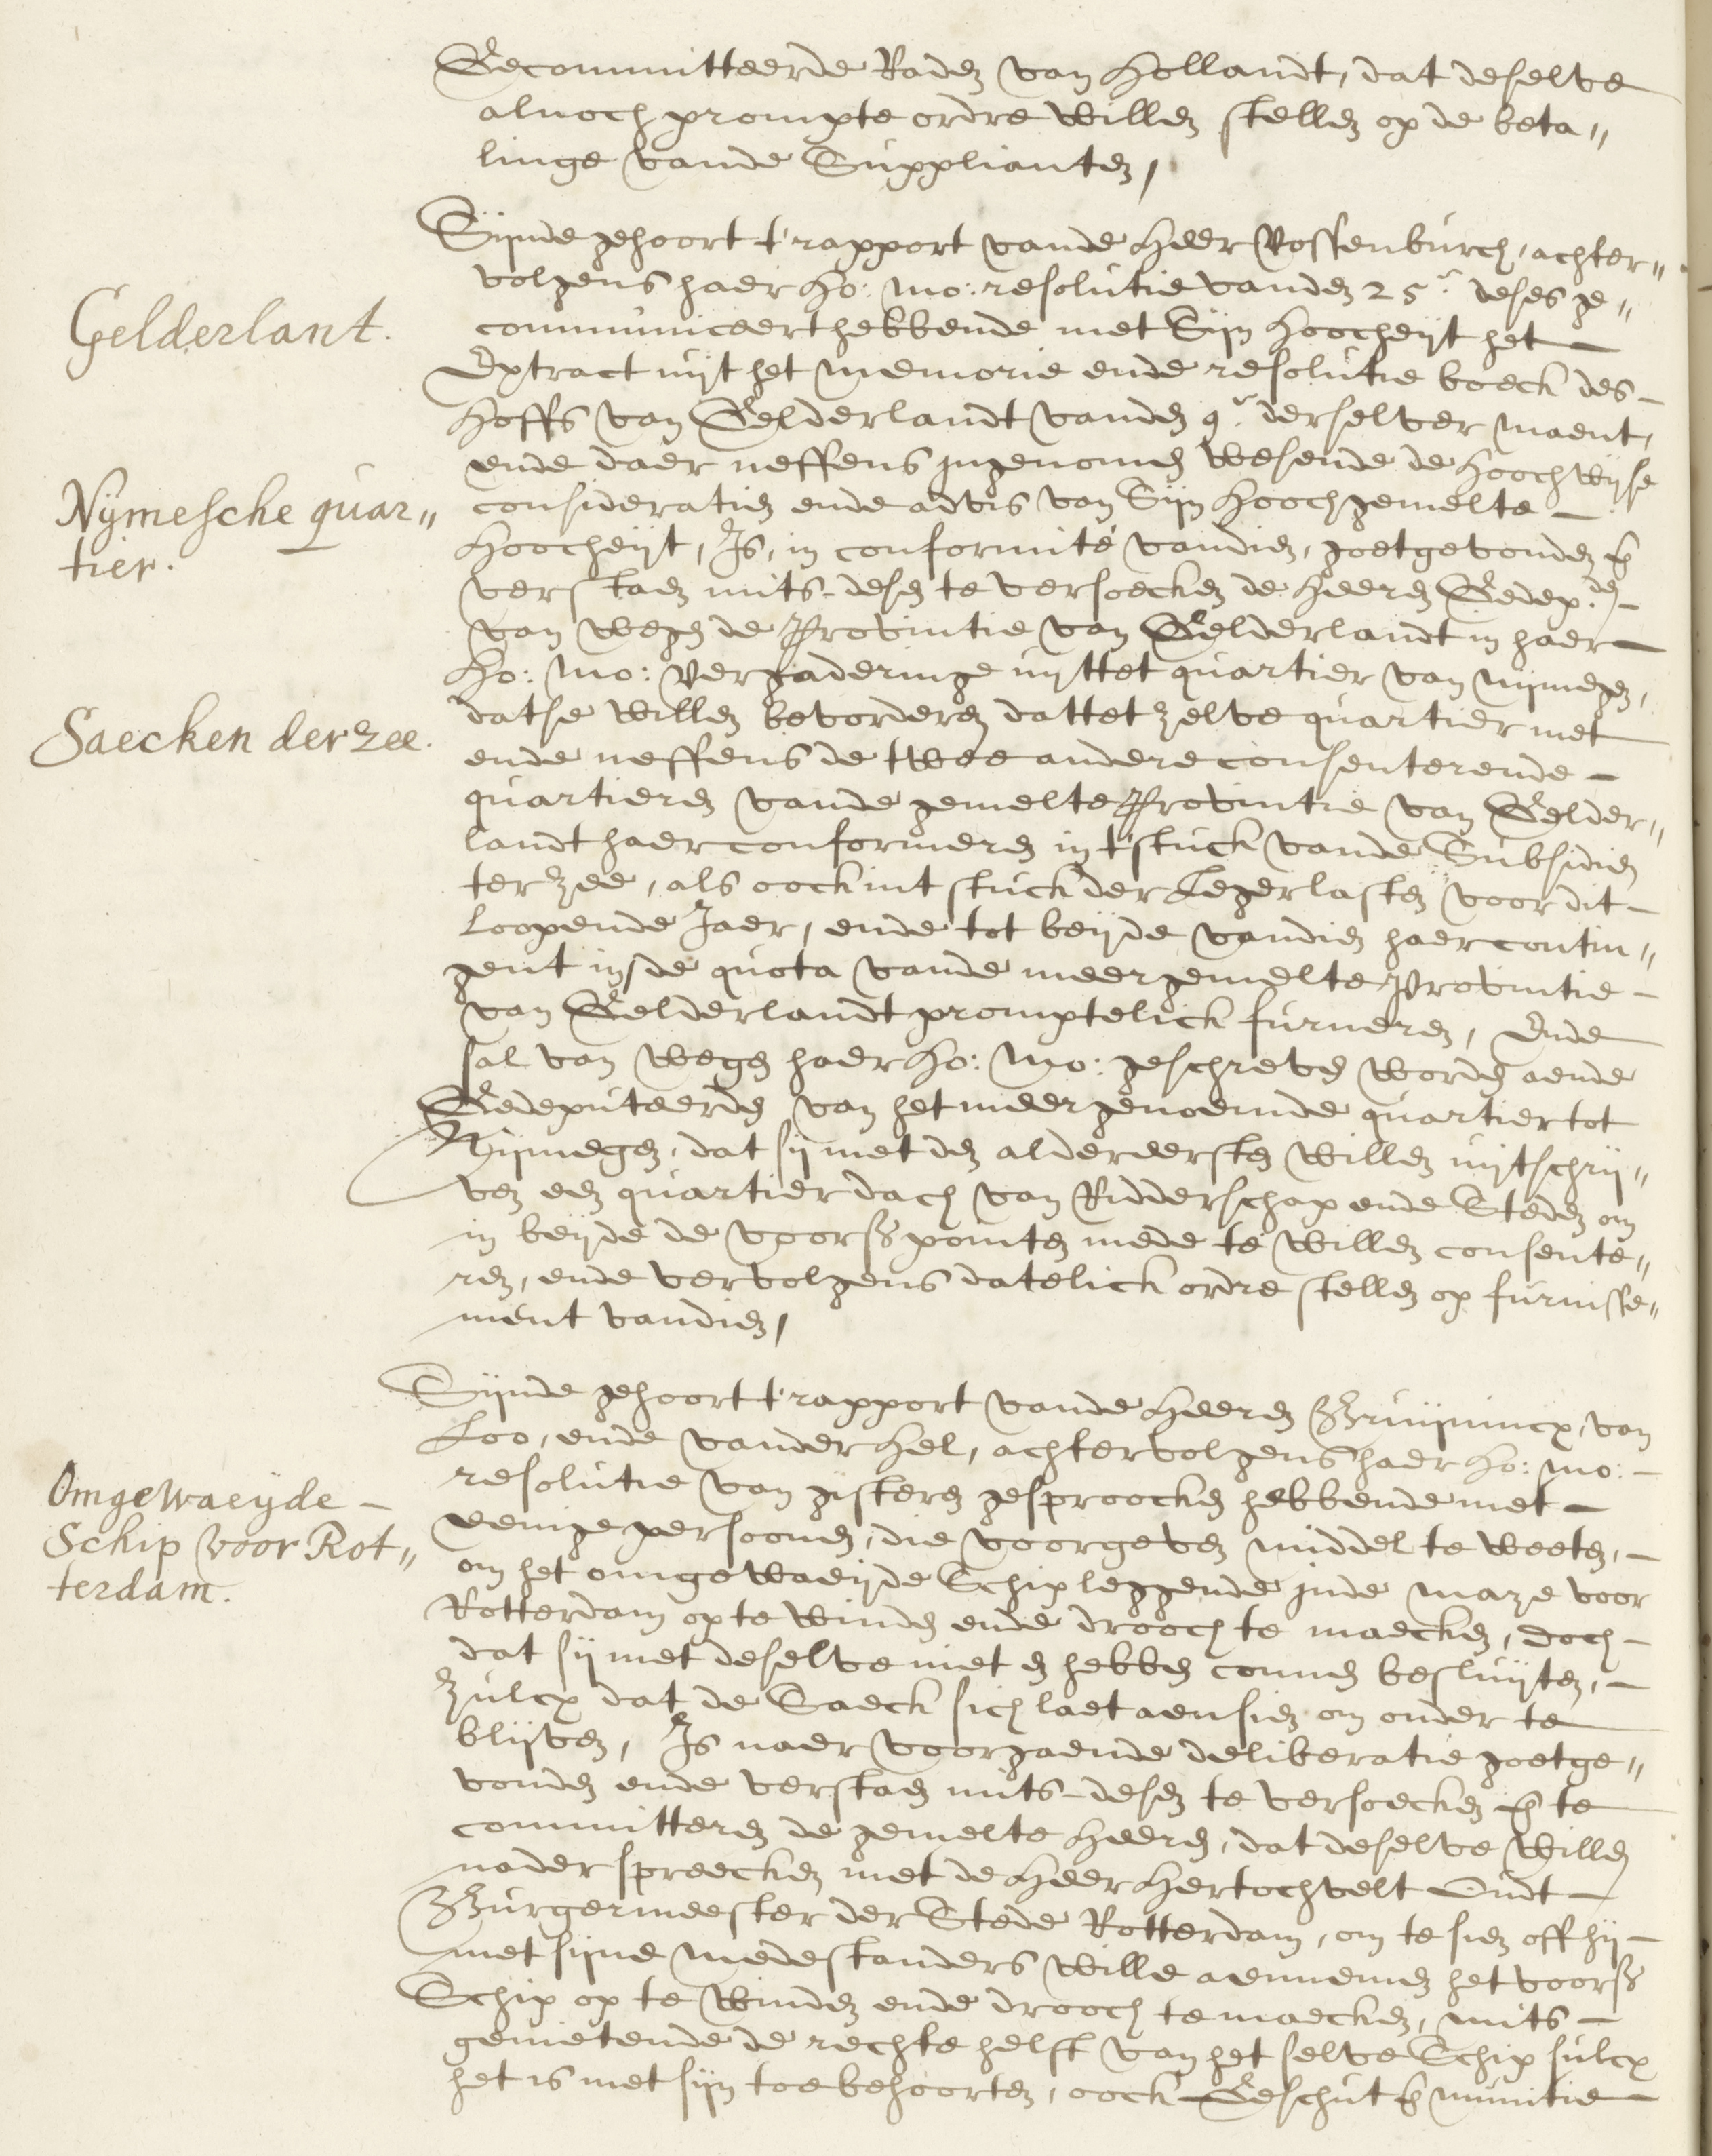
Gecommitteerde Raden van Hollandt dat deselve
alnoch prompte ordre willen stellen op de beta„
linge vande Supplianten.
Gelderlant
Nijmesche quar„
tier
Saecken der zee
Sijnde gehoort t'rapport vande heer Rossenburch, achter„
volgens haer Ho:mo: resolutie vanden 25e deses ge„
communiceert hebbende met Sijn Hoocheijt het -
Extract uijt het memorie ende resolutie boeck des
Hoffs van Geldderlandt vanden 9e derselver maent
ende daer neffens ingenomen wesende de hoochwijse
consideratien ende advis van Sijn Hoochgemelte
Hoocheijt, Is, in conformité vandien, goetgevonden &
verstaen mits desen te versoecken de heeren Gedepden
van wegen de Provintie van Gelderlandt in haer
Ho:mo: vergaderinge uijttet quartier van nijmegen
datse willen bevorderen dattet zelve quartier met
ende neffens de twee andere consenterende
quartieren vande gemelte provintie van Gelder„
landt haer conformeren in tstuck vande Subsidien
ter zee, als oock int stuck der Legerlasten, voor dit -
loopende Jaer, ende tot beijde vandien haere contin„
gent in de quota vande meer gemelte Provintie
van Gelderlandt promptelick furneren. Ende
sal van wegen haer Ho:Mo: geschreven worden aende
Gedeputeerden van het meer genoemde quartier tot
Nijmegen, dat sij met den aldereersten willen uijtschrij„
ven een quartierdach van Ridderschap ende Steden om
in beijde de voors pointen mede te willen consente„
ren ende vervolgens datelick ordre stellen op furnisse„
ment vandien.
Omgewaeijde
schip voor Rot„
terdam
Sijnde gehoort t'rapport vande heeren Bruijnincx, van
Loo, ende vander Hel, achtervolgens haer Ho:mo:
resolutie van gisteren gesproocken hebbende met -
eenige persoonen, die voorgeven middel te weeten, -
om het omgewaeijde Schip leggende inde Maze voor
Rotterdam op te winden ende drooch te maecken, doch -
dat sij met deselve niet en hebben connen besluijten, -
zulcx dat de Saeck sich laet aensien om onder te
blijven. Is naer voorgaende deliberatie goetge„
vonden ende verstaen mits desen te versoecken & te
commiteren de gemelte heeren, dat deselve willen
nader spreecken met de heer Hertochvelt Oudt-
Burgermeester der Stede Rotterdam, om te sien off hij
met sijne medestanders wille aennemen het voors
Schip op te winden ende drooch te maecken, mits -
genietende de rechte helft van het selve Schip sulcx
het is met sijn toebehoorten, oock Geschut & munitie
